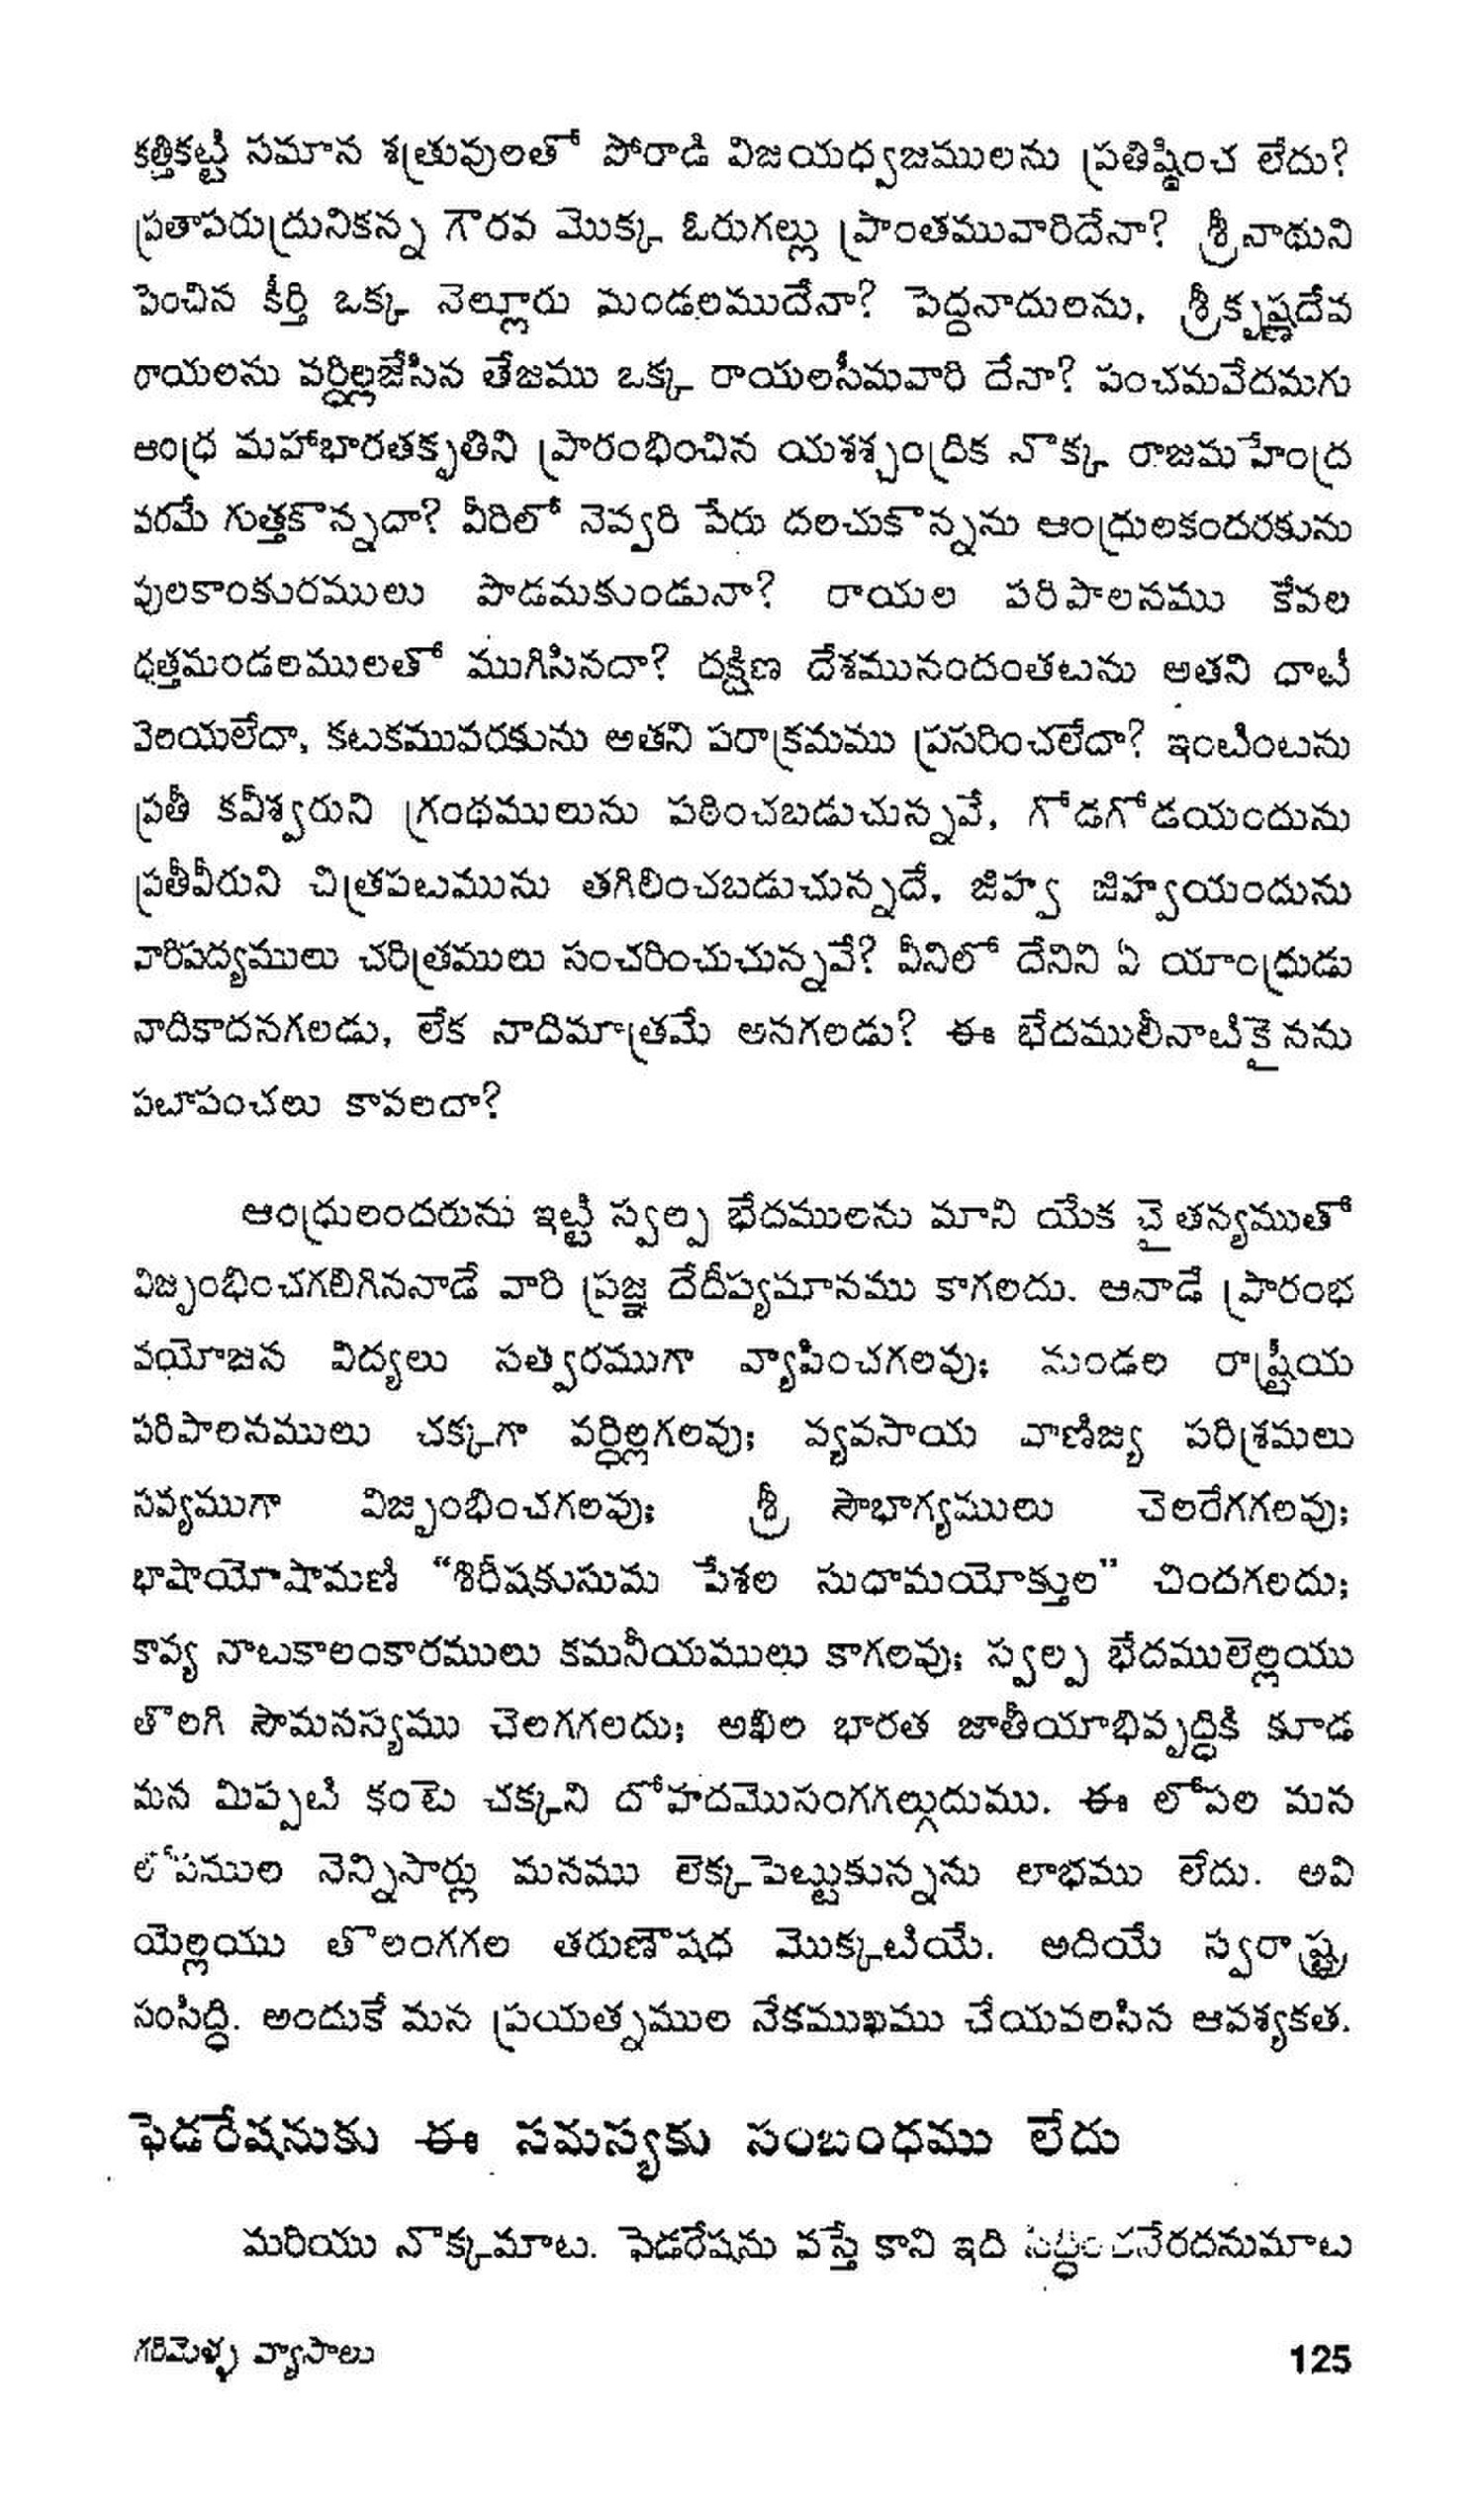కత్తికట్టి సమాన శత్రువులతో పోరాడి విజయద్వజములను ప్రతిష్ఠించ లేదు? ప్రతాపరుద్రునికన్న గౌరవ మొక్క ఓరుగల్లు ప్రాంతమువారిదేనా? శ్రీనాథుని పెంచిన కీర్తి ఒక్క నెల్లూరు మండలముదేనా? పెద్దనాదులను, శ్రీకృష్ణదేవరాయలను వర్ధిల్లజేసిన తేజము ఒక్క రాయలసీమవారి దేనా? పంచమవేదమగు ఆంధ్ర మహాభారతకృతిని ప్రారంభించిన యశశ్చంద్రిక నొక్క రాజమహేంద్రవరమే గుత్తకొన్నదా? వీరిలో నెవ్వరి పేరు దలచుకొన్నను ఆంధ్రులకందరకును పులకాంకురములు పొడమకుండునా? రాయల పరిపాలనము కేవల దత్తమండలములతో ముగిసినదా? దక్షిణ దేశమునందంటను అతని ధాటి వెలయలేదా, కటకమువరకును అతని పరాక్రమము ప్రసరించలేదా? ఇంటింటను ప్రతీ కవీశ్వరుని గ్రంథములును పఠించబడుచున్నవే. గోడగోడయందును ప్రతివీరుని చిత్రపటమును తగిలించబడుచున్నదే. జిహ్వ జిహ్వయందును వారిపద్యములు చిత్రములు సంచరించుచున్నవే? వీనిలో దేనిని ఏ యాంధ్రుడు నాదికాదనగలడు. లేక నాదిమాత్రమే అనగలడు? ఈ భేదములీనాటికైనను పటాపంచలు కావలదా?

ఆంధ్రులందరును ఇట్టి స్వల్ప భేదములను మాని యేక చైతన్యముతో విజృంభించగలిగిననాడే వారి ప్రజ్ఞ దేదీప్యమానము కాగలదు. ఆనాడే ప్రారంభ వయోజన విద్యలు సత్వరముగా వ్యాపించగలవు. మండల రాష్ట్రీయ పరిపాలనములు చక్కగా వర్ధిల్లగలవు. వ్యవసాయ వాణిజ్య పరిశ్రమలు సవ్యముగా విజృంభించగలవు. శ్రీ సౌభాగ్యములు చెలరేగగలవు: భాషాయోషామణి "శిరీషకుసుమ పేశల సుదామయోక్తుల" చిందగలదు; కావ్య నాటకాలంకారములు కమనీయములు కాగలవు; స్వల్ప భేదములెల్లయు తొలగి సౌమనస్యము చెలగగలదు: అఖిల భారత జాతీయాభివృద్ధికి కూడ మన మిప్పటి కంటె చక్కని దోహదమొసంగగల్గుదుము. ఈ లోపల మన లోపముల నెన్నిసార్లు మనము లెక్కపెట్టుకున్నను లాభము లేదు. అవి యెల్లయు తొలంగగల తరుణౌషధ మొక్కటియే. అదియే స్వరాష్ట్ర సంసిద్ధి. అందుకే మన పయత్నముల నేకముఖము చేయవలసిన ఆవశ్యకత.

ఫెడరేషనుకు ఈ సమస్యకు సంబంధము లేదు
 
మరియు నొక్కమాట. ఫెడరేషను వస్తే కాని ఇది సిద్ధంచనేరదనుమాట